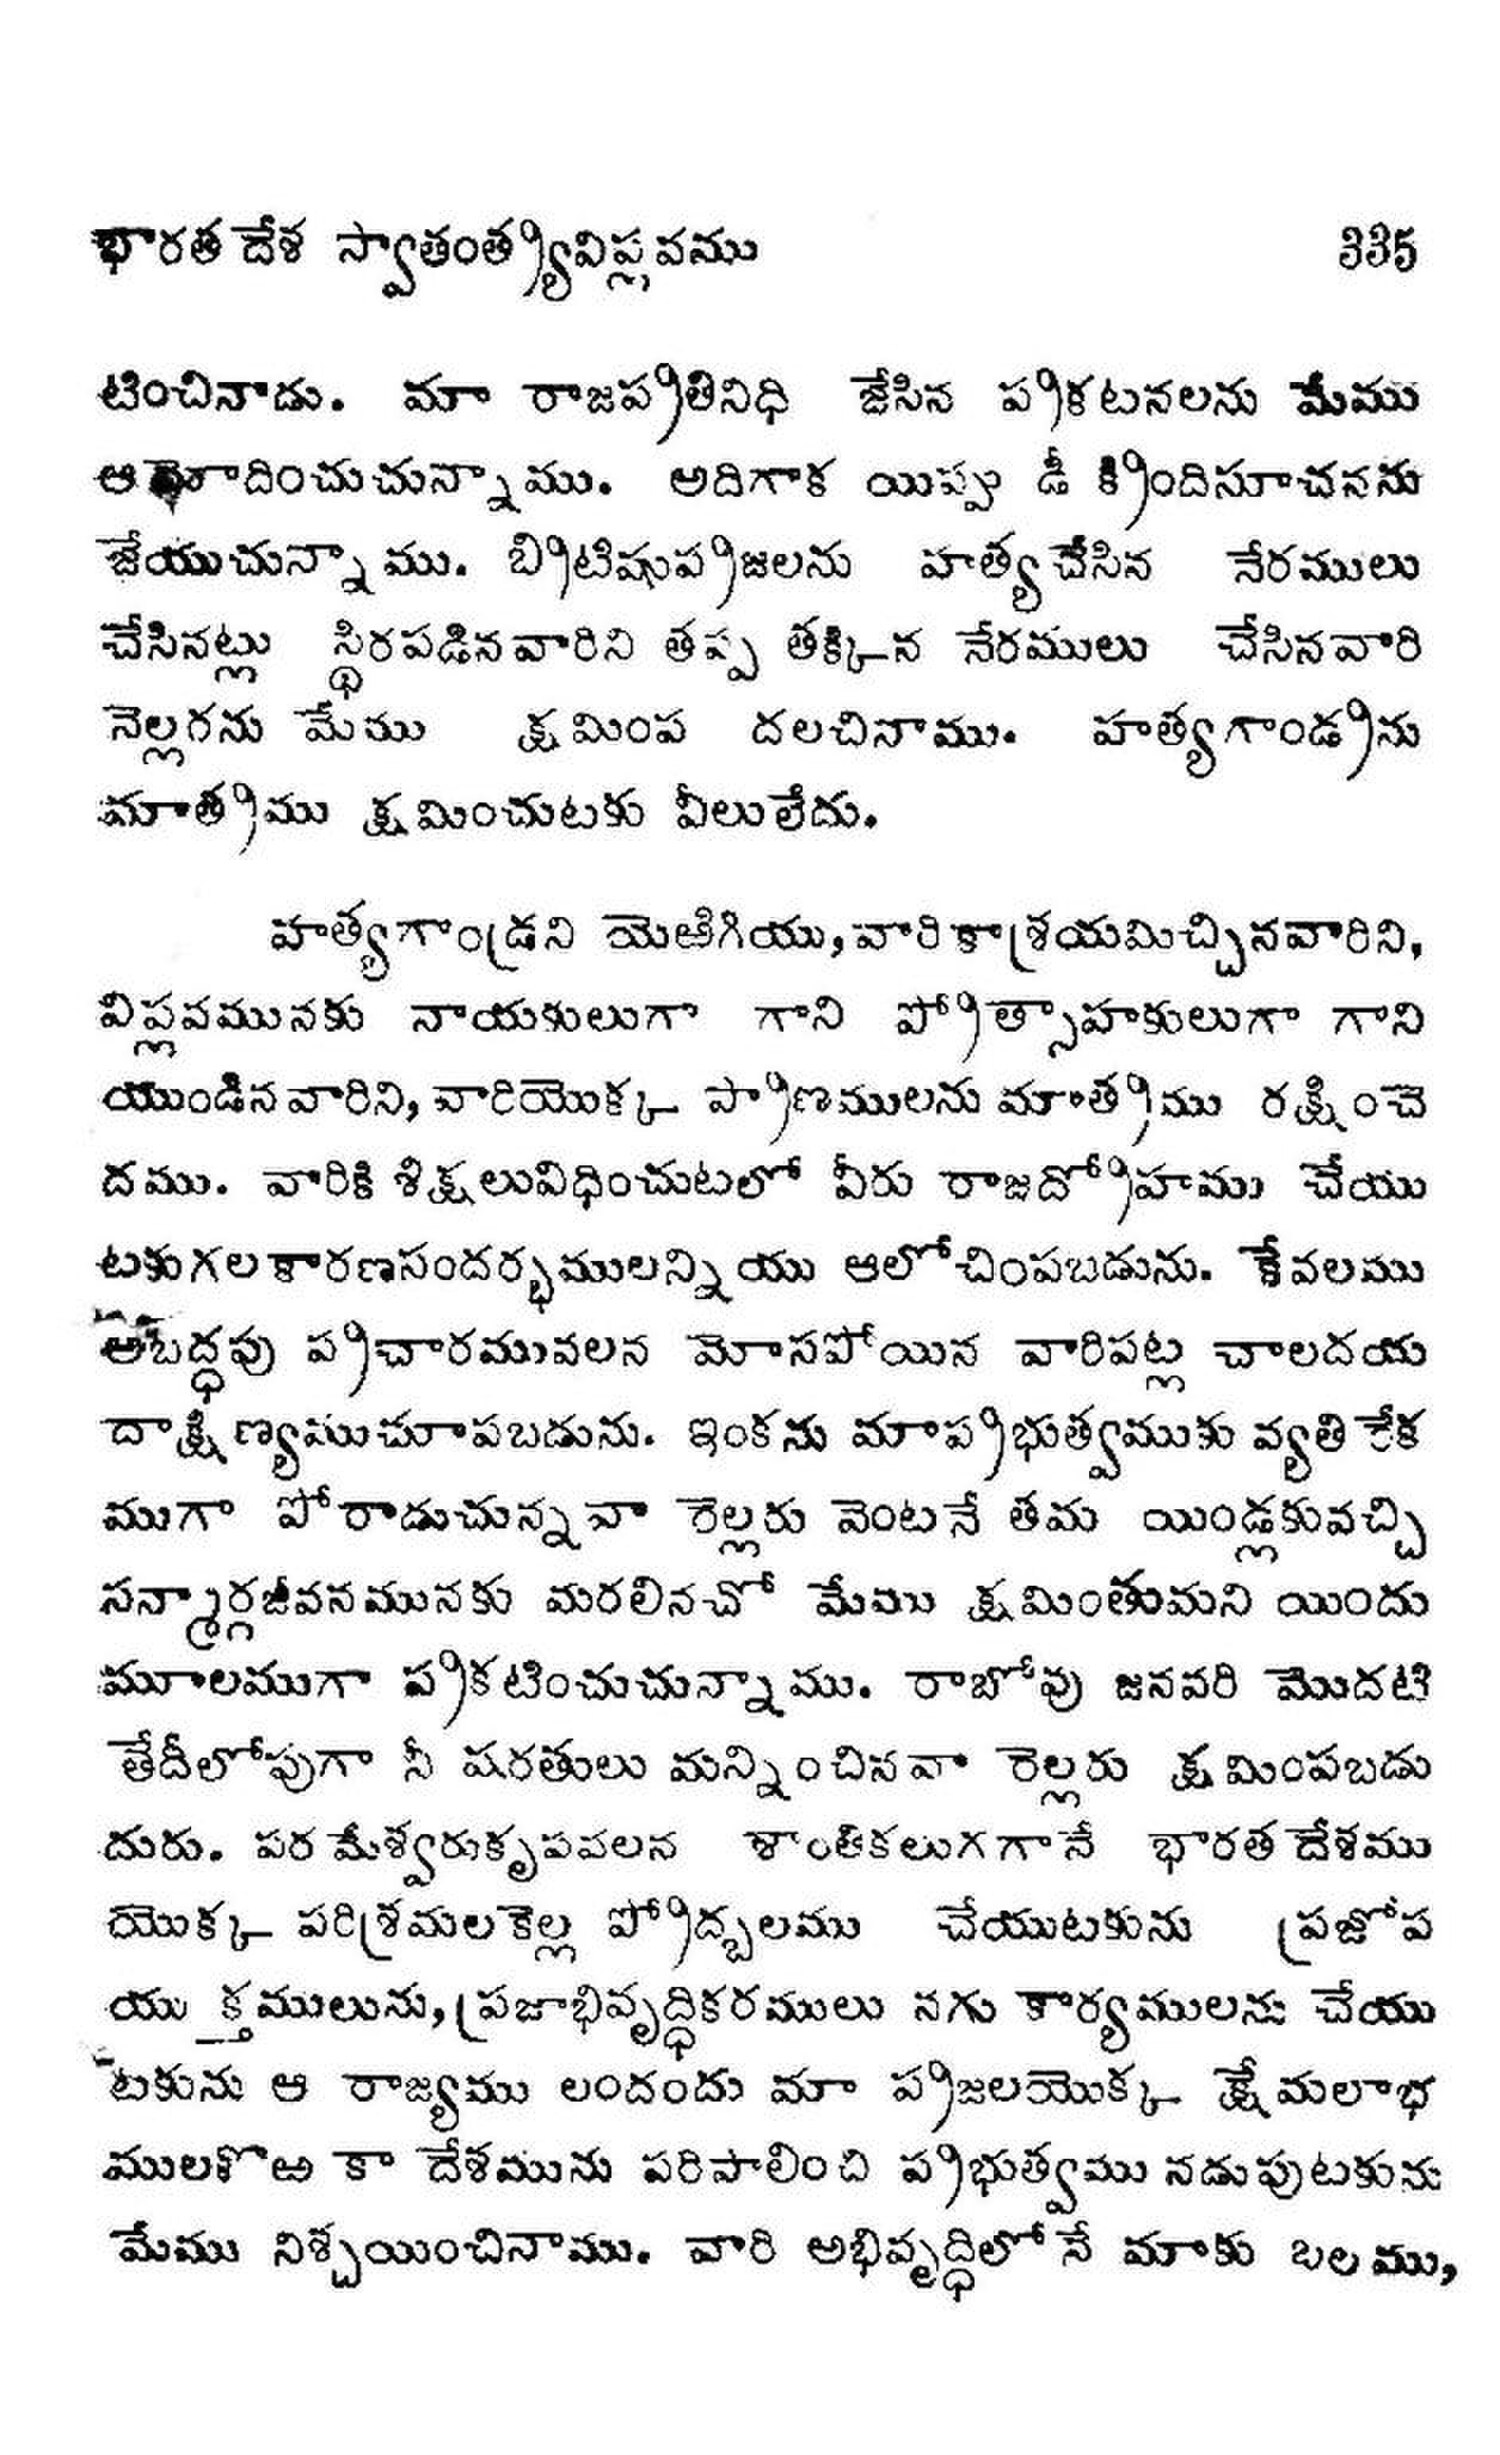టించినాడు. మా రాజప్రతినిధి జేసిన ప్రకటనలను మేము ఆమోదించుచున్నాము. అదిగాక యిప్పు డీ క్రిందిసూచనను జేయుచున్నాము. బ్రిటిషుప్రజలను హత్యచేసిన నేరములు చేసినట్లు స్థిరపడినవారిని తప్ప తక్కిన నేరములు చేసినవారి నెల్లరను మేము క్షమింప దలచినాము. హత్యగాండ్రను మాత్రము క్షమించుటకు వీలులేదు.

హత్యగాండ్రని యెఱిగియు, వారికాశ్రయమిచ్చినవారిని, విప్లవమునకు నాయకులుగా గాని పోత్సాహకులుగా గాని
యుండినవారిని, వారియొక్క ప్రాణములను మాత్రము రక్షించెదము. వారికి శిక్షలువిధించుటలో వీరు రాజద్రోహము చేయుటకుగల కారణసందర్భములన్నియు ఆలోచింపబడును. కేవలము అబద్దపు ప్రచారమువలన మోసపోయిన వారిపట్ల చాలదయ దాక్షిణ్యముచూపబడును. ఇంకను మాప్రభుత్వముకు వ్యతిరేకముగా పోరాడుచున్నవా రెల్లరు వెంటనే తమ యిండ్లకువచ్చి సన్మార్గజీవనమునకు మరలినచో మేము క్షమింతుమని యిందు మూలముగా ప్రకటించుచున్నాము. రాబోవు జనవరి మొదటి తేదీలోపుగా నీ షరతులు మన్నించినవా రెల్లరు కమింపబడుదురు. పరమేశ్వరుకృపవలన శాంతికలుగగానే భారతదేశముయొక్క పరిశ్రమల కెల్ల ప్రోద్బలము చేయుటకును ప్రజోపయుక్తములును, ప్రజాభివృద్ధికరములు నగు కార్యములను చేయుటకును ఆ రాజ్యము లందందు మా ప్రజలయొక్క క్షేమలాభములకొఱ కా దేశమును పరిపాలించి ప్రభుత్వము నడుపుటకును మేము నిశ్చయించినాము. వారి అభివృద్ధిలోనే మాకు బలము,